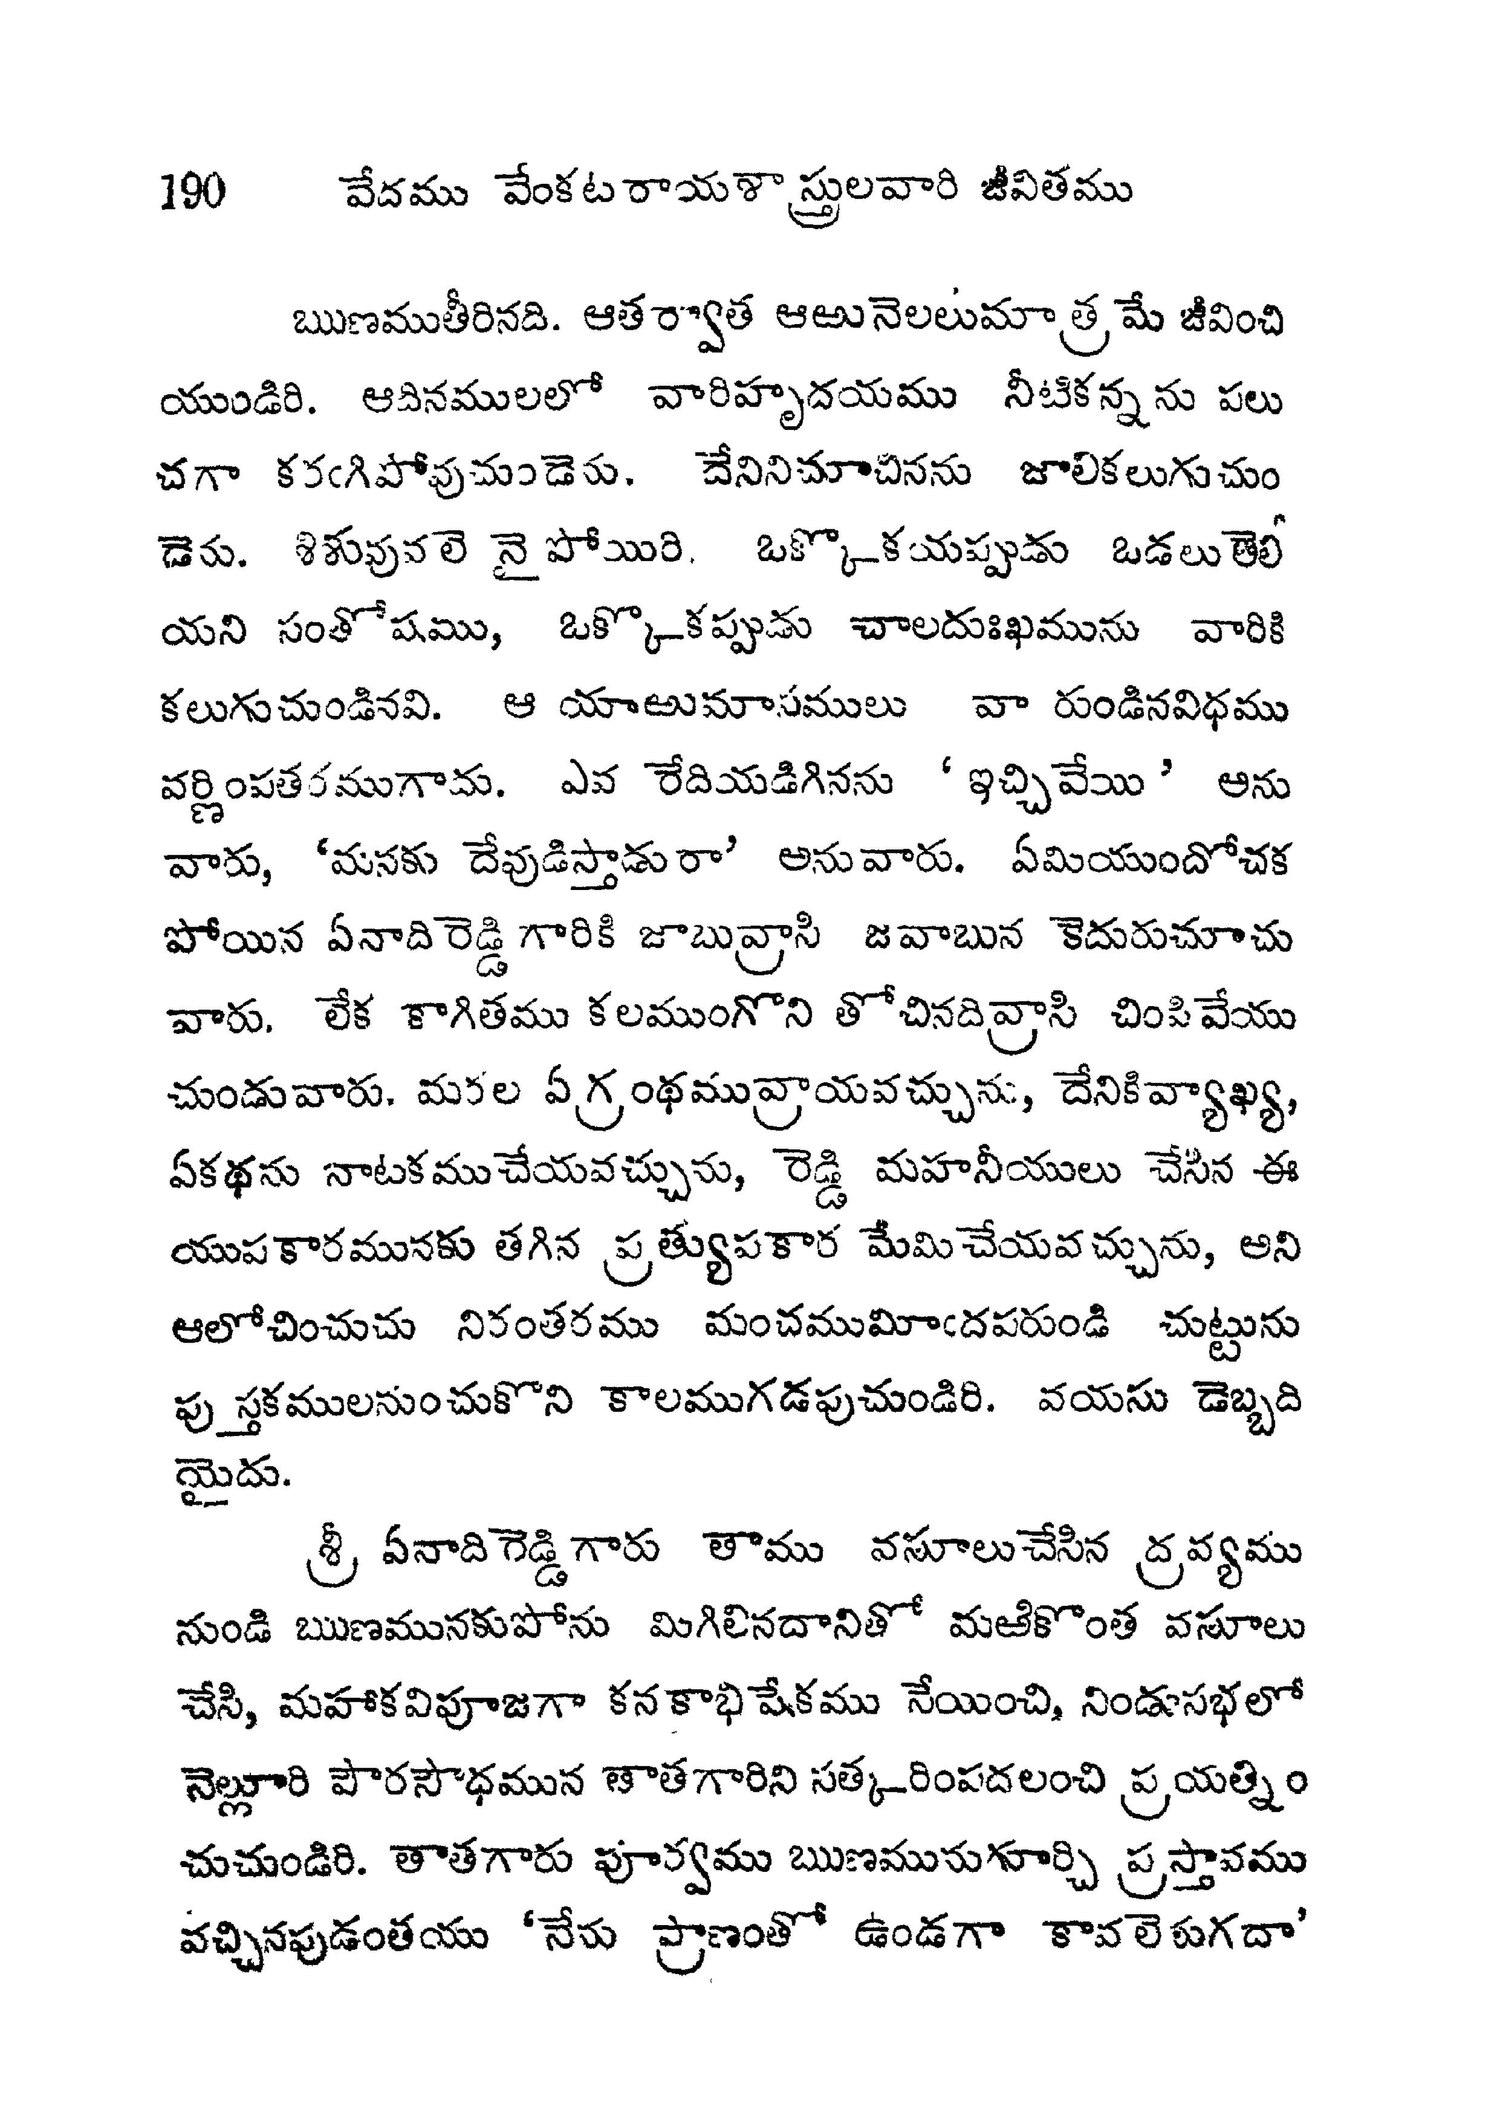ఋణముతీరినది. ఆతర్వాత ఆఱునెలలు మాత్రమే జీవించియుండిరి. ఆదినములలో వారిహృదయము నీటికన్నను పలుచగా కరగిపోవు చుండెను. దేనిని చూచినను జాలికలుగు చుండెను. శిశువువలె నైపోయిరి. ఒక్కొకయప్పుడు ఒడలుతెలియని సంతోషము, ఒక్కొకప్పుడు చాలదు:ఖమును వారికి కలుగుచుండినవి. ఆ యాఱుమాసములు వా రుండిన విధము వర్ణింపతరముగాదు. ఎవ రేదియడిగినను 'ఇచ్చివేయి' అనువారు, 'మనకు దేవుడిస్తాడురా' అనువారు. ఏమియుందోచక పోయిన ఏనాదిరెడ్డిగారికి జాబువ్రాసి జవాబున కెదురుచూచువారు. లేక కాగితము కలముంగొని తోచినదివ్రాసి చింపివేయుచుండువారు. మరల ఏగ్రంథవ్రాయవచ్చును, దేనికివ్యాఖ్య, ఏకథను నాటకము చేయవచ్చును, రెడ్డి మహనీయులు చేసిన ఈ యుపకారమునకు తగిన ప్రత్యుపకార మేమి చేయవచ్చును, అని ఆలోచించుచు నిరంతరము మంచము మీదపరుండి చుట్టును పుస్తకములనుంచుకొని కాలము గడుపుచుండిరి. వయసు డెబ్బదియైదు.

శ్రీ ఏనాదిరెడ్డిగారు తాము వసూలుచేసిన ద్రవ్యమునుండి ఋణమునకు పోను మిగిలినదానితో మఱికొంత వసూలు చేసి, మహాకవిపూజగా కనకాభిషేకము సేయించి, నిండుసభలో నెల్లూరి పౌరసౌధమున తాతగారిని సత్కరింపదలంచి ప్రయత్నించుచుండిరి. తాతగారు పూర్వము ఋణమును గూర్చి ప్రస్తావము వచ్చినప్పుడంతయు 'నేను ప్రాణంతో ఉండగా కావలెనుగదా'